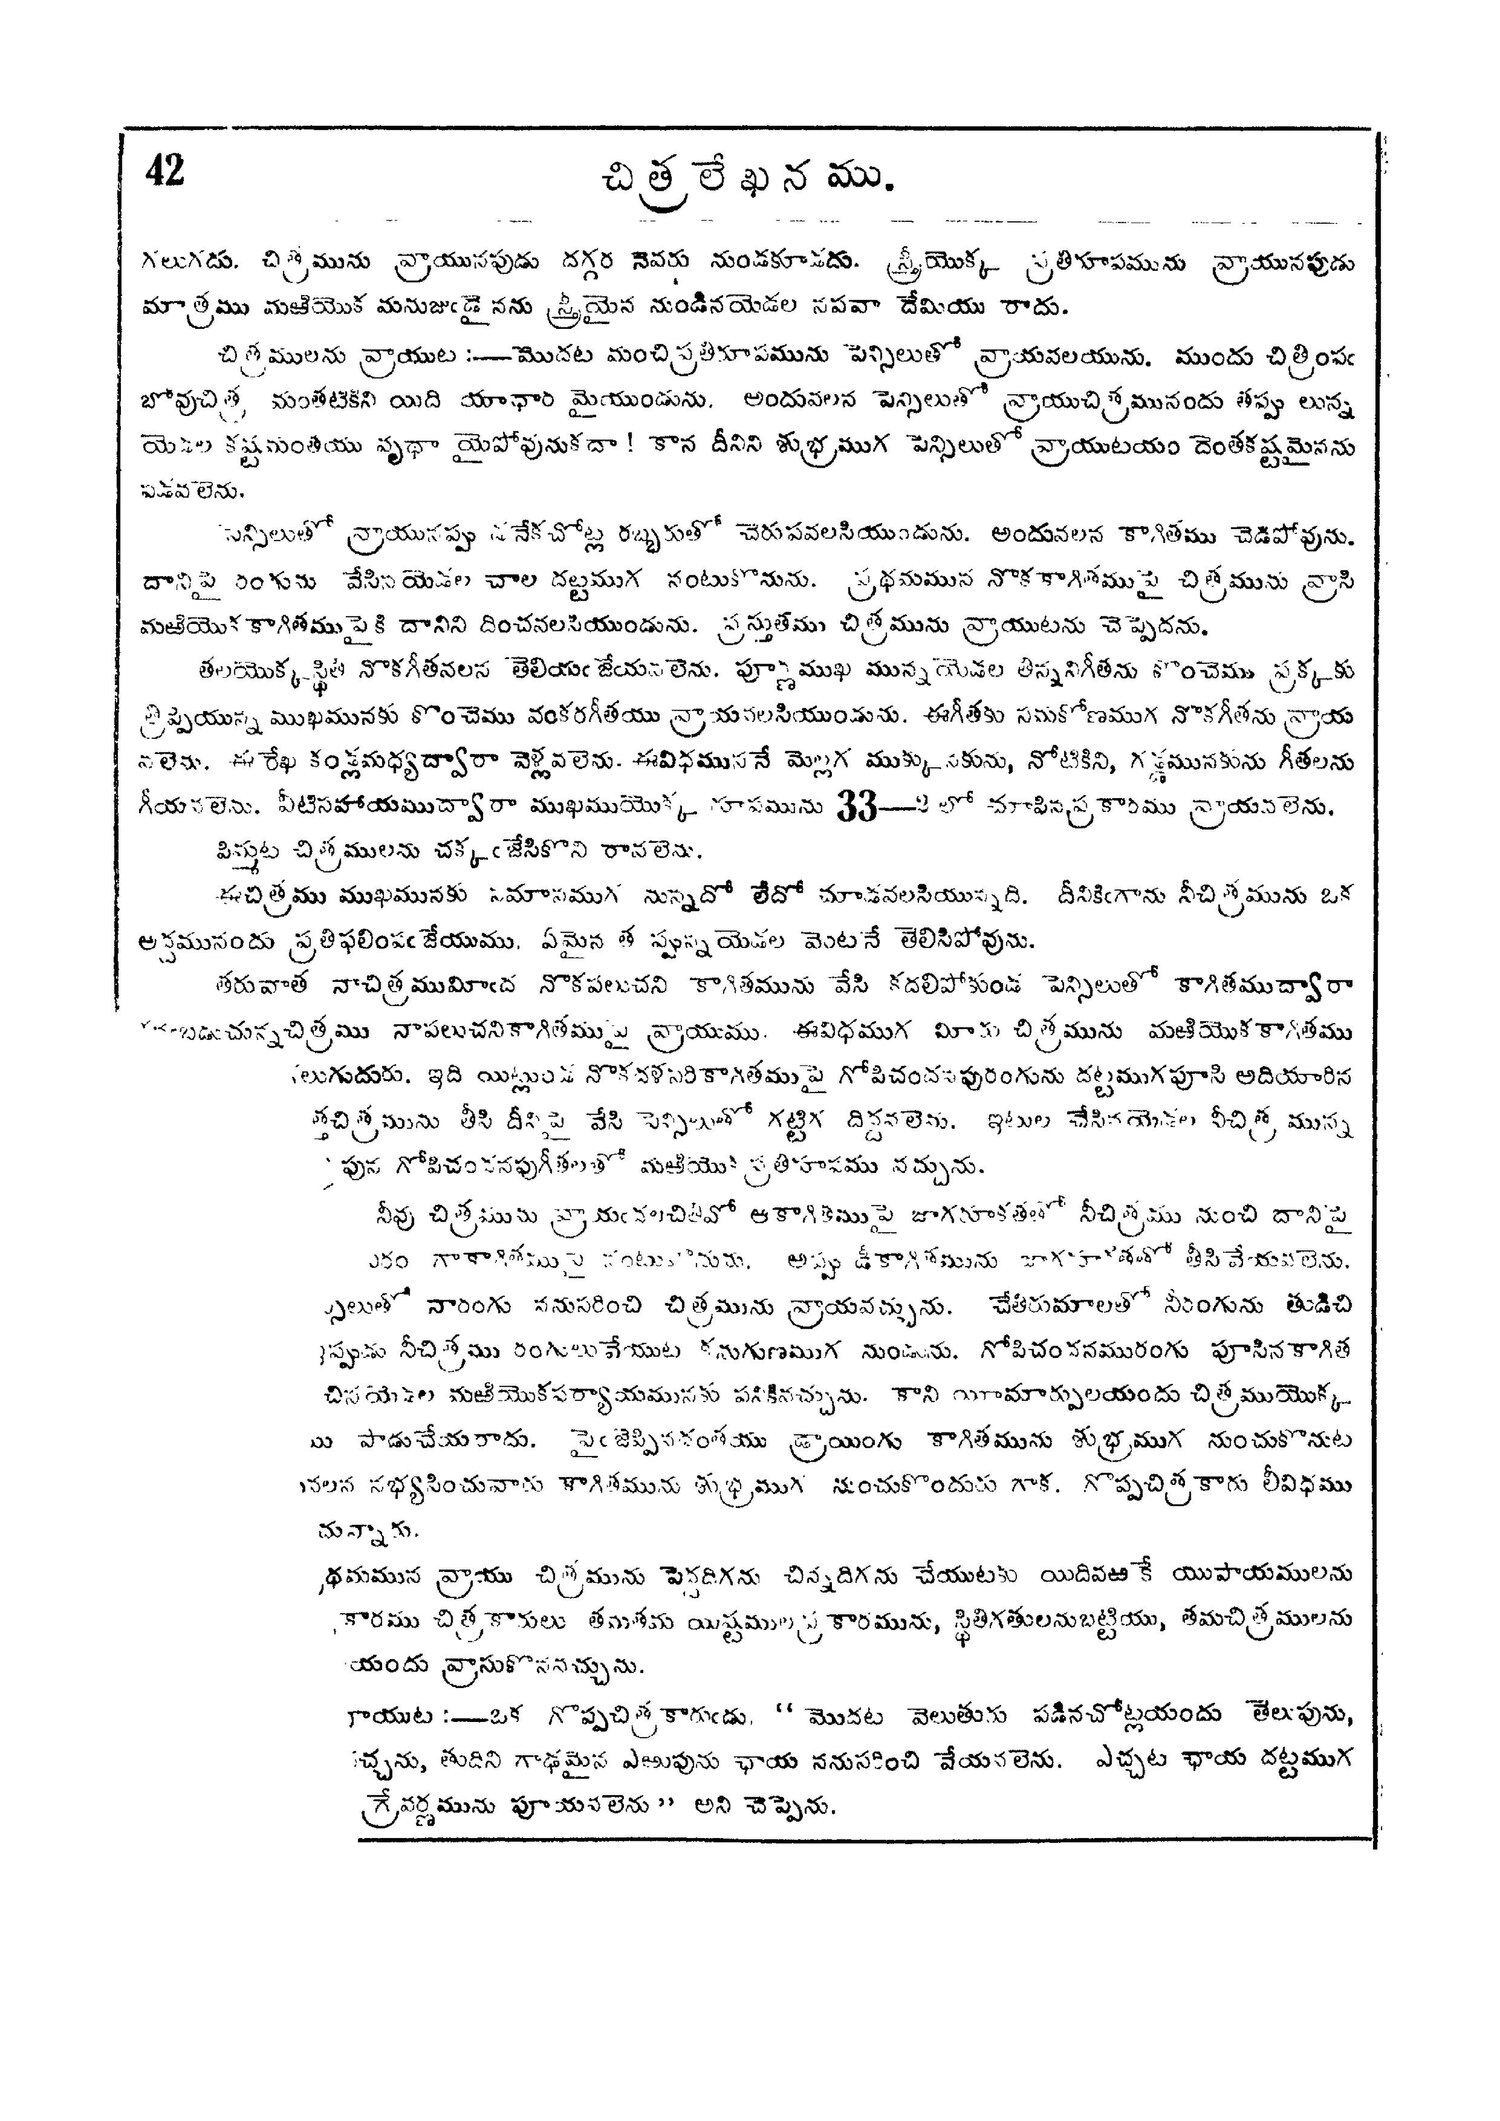గలుగదు. చిత్రమును వ్రాయునపుడు దగ్గర నెవరు నుండకూడదు. స్త్రీయొక్క ప్రతిరూపమును వ్రాయునపుడు మాత్రము మఱియొక మనుజుడైనను స్త్రీయైన నుండినయెడల నపవా దేమియు రాదు.

చిత్రములను వ్రాయుట:- మొదట మంచిప్రతిరూపమును పెన్సిలుతో వ్రాయవలయును. ముందు చిత్రింపబోవుచిత్ర మంతటికిని యిది యాధార మైయుండును. అందువలన పెన్సిలుతో వ్రాయుచిత్రమునందు తప్పు లున్నయెడల కష్టమంతయు వృథా యైపోవునుకదా! కాన దీనిని శుభ్రముగ పెన్సిలుతో వ్రాయుటయం దెంతకష్టమైనను పడవలెను.

పెన్సిలుతో వ్రాయునప్పు డనేకచోట్ల రబ్బరుతో చెరుపవలసియుండును. అందువలన కాగితము చెడిపోవును. దానిపై రంగును వేసినయెడల చాల దట్టముగ నంటుకొనును. ప్రథమమున నొకకాగితముపై చిత్రమును వ్రాసి మఱియొకకాగితముపైకి దానిని దించవలసియుండును. ప్రస్తుతము చిత్రమును వ్రాయుటను చెప్పెదను.

తలయొక్కస్థితి నొకగీతవలన తెలియజేయవలెను. పూర్ణముఖ మున్నయెడల తిన్ననిగీతను కొంచెము ప్రక్కకు త్రిప్పియున్న ముఖమునకు కొంచెము వంకరగీతయు వ్రాయవలసియుండును.ఈగీతకు సమకోణముగ నొకగీతనువ్రాయవలెను. ఈరేఖ కండ్లమధ్యద్వారా వెళ్లవలెను. ఈవిధముననే మెల్లగ ముక్కునకును, నోటికిని, గడ్డమునకును గీతలను గీయవలెను. వీటిసహాయముద్వారా ముఖముయొక్క రూపమును 33 - 2లో చూపినప్రకారము వ్రాయవలెను. 

పిమ్మట చిత్రములను చక్కజేసికొని రావలెను.

ఈచిత్రము ముఖమునకు సమానముగ నున్నదో లేదో చూడవలసియున్నది. దీనికిగాను నీచిత్రమును ఒక అద్దమునందు ప్రతిఫలింపజేయుము. ఏమైన తప్పున్నయెడల వెంటనే తెలిసిపోవును.

తరువాత నాచిత్రముమీద నొకపలుచని కాగితమును వేసి కదలిపోకుండ పెంసిలుతో కాగితముద్వారా కనబడుచున్నచిత్రము నాపలుచనికాగితముపై వ్రాయుము. ఈవిధముగ మీరుచిత్రమును మఱియొకకాగితముపై ------- గలుగుదురు. ఇది యిట్లుండ నొకదళసరికాగితముపై గోపివందనపురంగును దట్టముగపూసి అదియూరిన --------- చిత్రమును తీసి దీనిపై వేసి పెన్సిలుతో గట్టిగ దిద్దవలెను. ఇటుల చేసినయెడల నీచిత్ర మున్న -------- గోపిచందనపుగీతలతో మఱియొకప్రతిరూపము వచ్చును.

నీవు చిత్రమును వ్రాయదలచితివో ఆకాగితముపై జాగరూకతతో నీచిత్రము నుంచి దానిపై ------------ కాగితముపై నంటుకొనును. అప్పు డీకాగితమును జాగరూకతతో తీసివేయవలెను. --------------పెన్సిలుతో నారంగు ననుసరించి చిత్రమును వ్రాయవచ్చును. చేతిరుమాలతో నీరంగును తుడిచి ------------- ప్పుడు నీచిత్రము రంగులువేయుట కనుగుణముగ నుండును. గోపిచందనమురంగు పూసినకాగిత-----------చినయెడల మఱియొకపర్యాయమునకు పనికివచ్చును. కాని యీమార్పులయందు చిత్రముయొక్క-----------పాడుచేయరాదు. పైజెప్పినదంతయు డ్రాయింగు కాగితమును శుభ్రముగ నుంచుకొనుట------------ వలన నభ్యసించినవారు కాగితమును శుభ్రముగ నుంచుకొందురు గాక. గొప్పచిత్రకారు లీవిధము------------చున్నారు.

ప్రథమమున వ్రాయు చిత్రమును పెద్దదిగనుచిన్నదిగను చేయుటకు యిదివఱకే యుపాయములను చెప్పినప్రకారము చిత్రకారులు తమతమ యిష్టములప్రకారమును, స్థితిగతులనుబట్టియు, తమచిత్రములను కాగితము యందు వ్రాసుకొనవచ్చును.

రంగులు పూయుట:- ఒక గొప్పచిత్రకారుడు "మొదట వెలుతురు పడినచోట్లయందు తెలుపును,-----------పచ్చను, తుదిని గాడమైన ఎఱుపును ఛాయ ననుసరించి వేయవలెను. ఎచ్చట ఛాయ దట్టముగ -----------గ్రేవర్ణమును పూయవలెను" అని చెప్పెను.